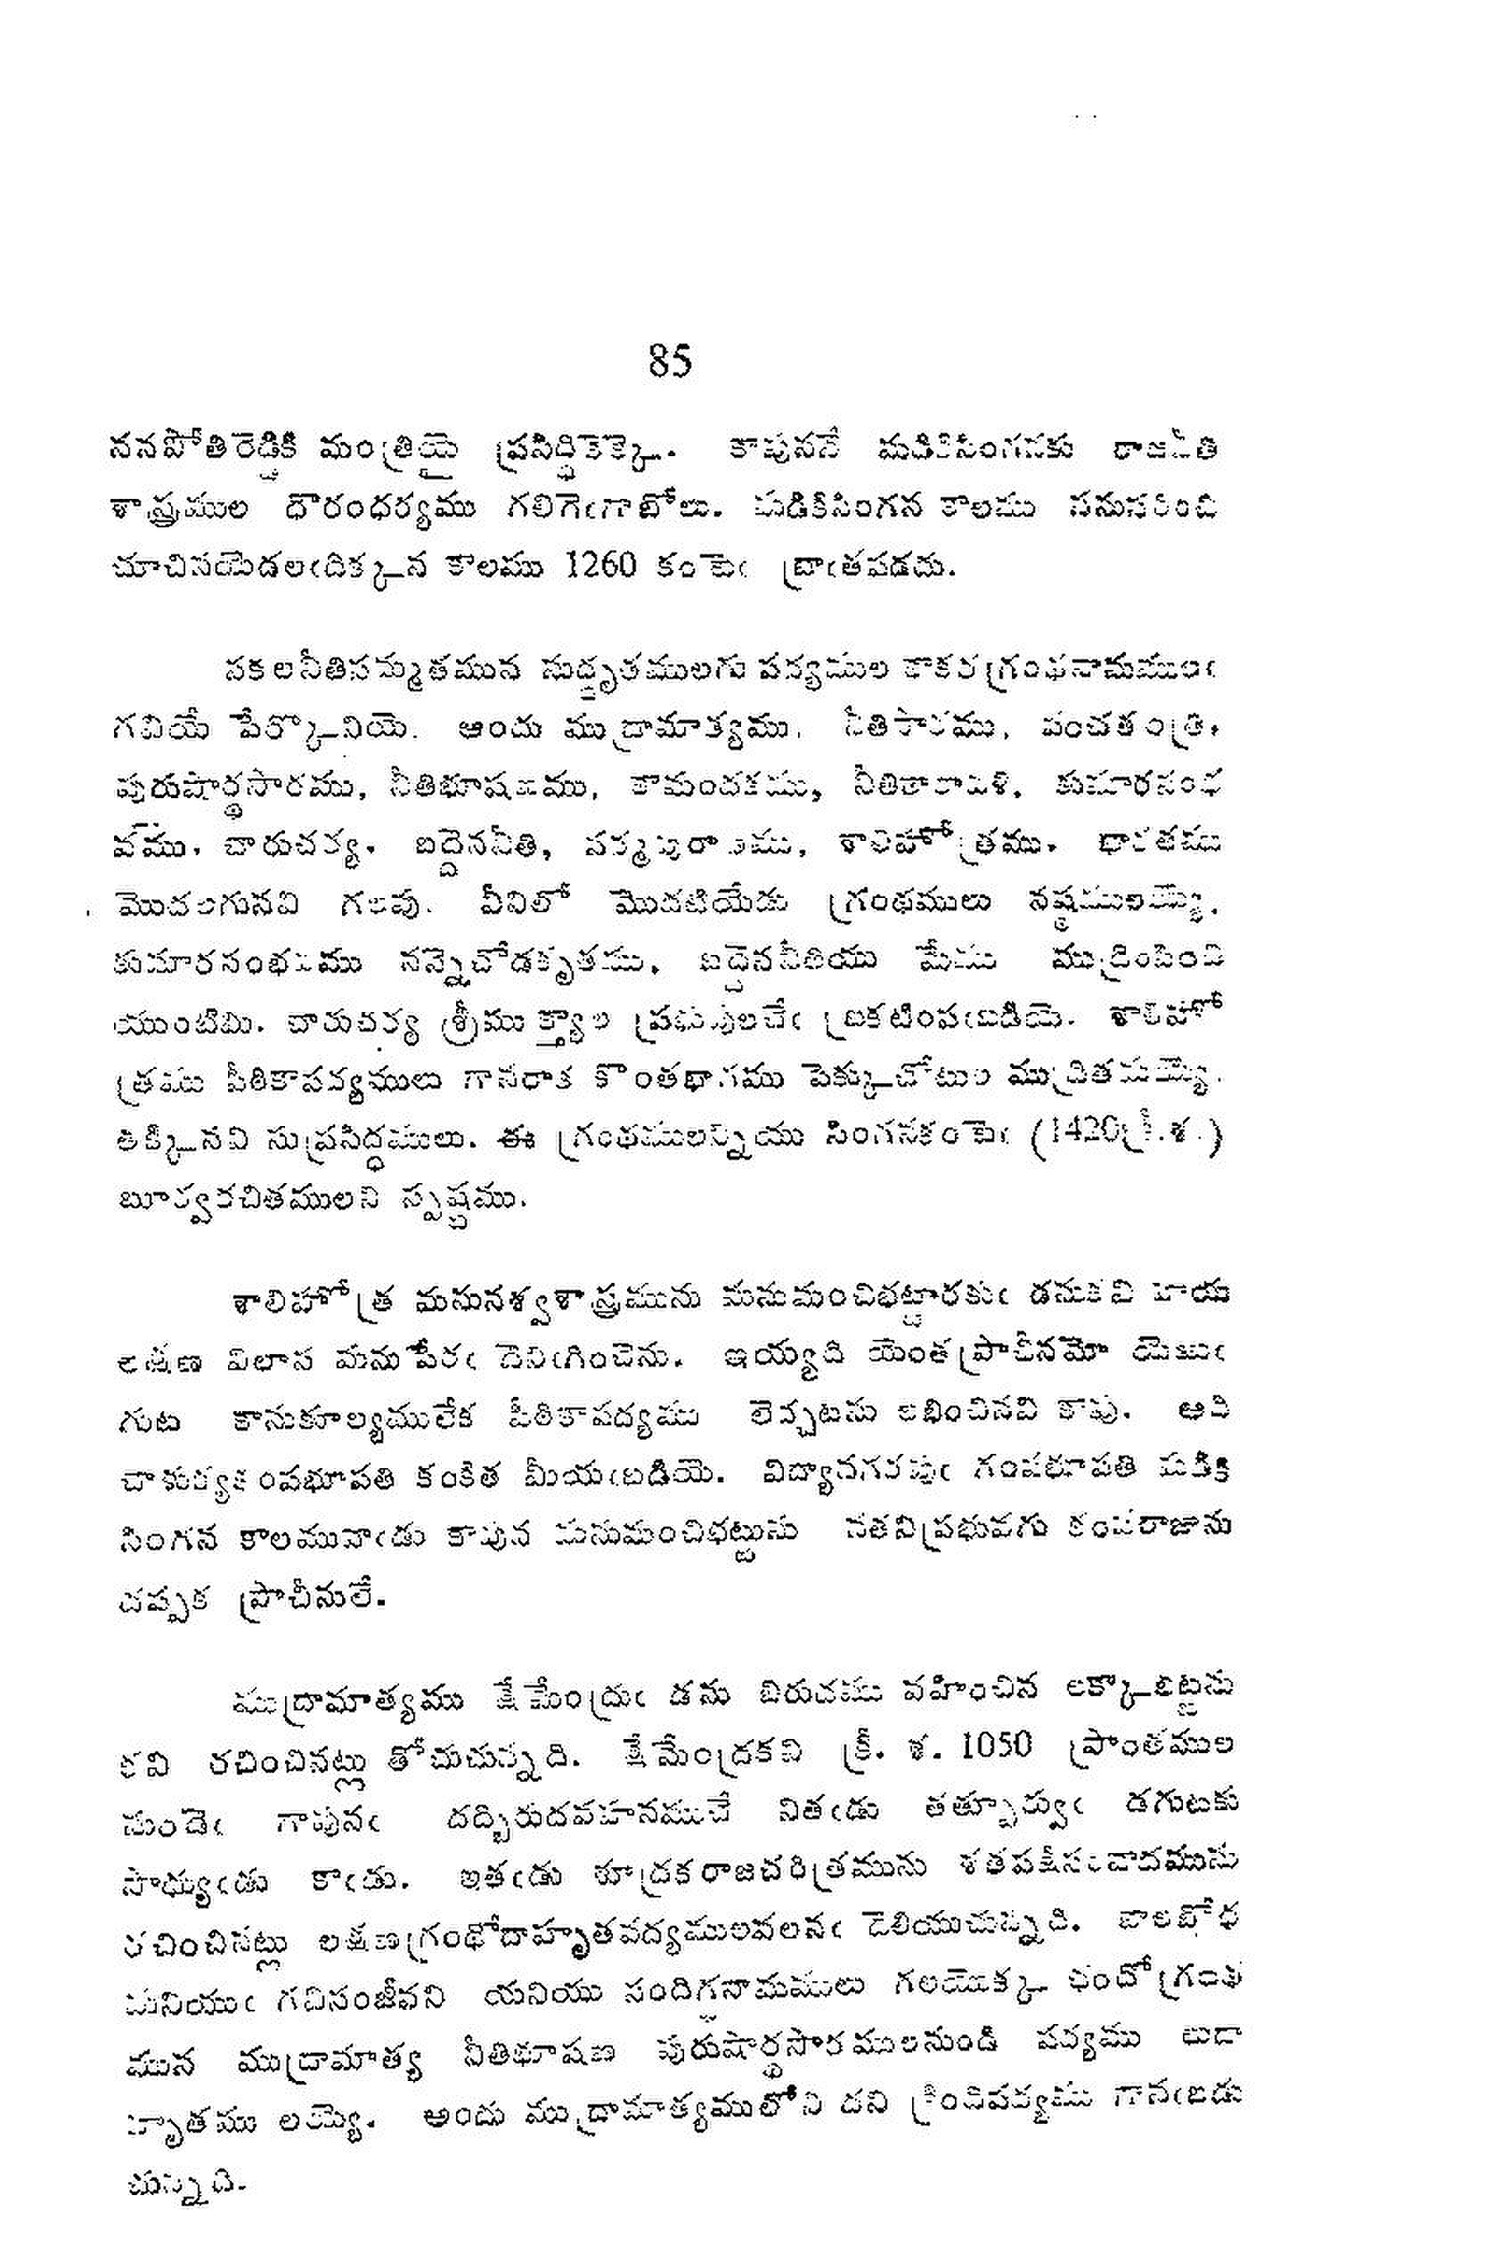ననపోతిరెడ్డికి మంత్రియై ప్రసిద్ధి కెక్కె. కావుననే మడికి సింగనకు రాజనీతిశాస్త్రముల దౌరంధర్యము గలిగెఁ గాబోలు. మడికి సింగన కాలము కనుసరించి చూచినయెడలఁ దిక్కన కాలము 1260 కంటెఁ బ్రాఁతపడదు.

సకలనీతిసమ్మతమున సుద్దృతములగు పద్యముల కాకరగ్రంధనామము గవియే పేర్కొనియె. ఆంచు ముద్రామాత్యము. నీతిసారము, పంచతంత్రి, పురుషార్థసారము, నీతిభూషణము, కామందకము, నీతితారావళి, కుమారసంభవము, చారుచర్య, బదైననీతి, పద్మపురాణము, శాలిహోత్రము, భావతము మొదలగునవి గలవు. వీనిలో మొదటియేడుగ్రంథములు నష్టము లయ్యె. కుమారసంభవము నన్నెచోడకృతము, బద్దెననీతియు మేము ముద్రింపించి యుంటిమి. చారుచర్య శ్రీముక్త్యాల ప్రభువులచేఁ బ్రకటింపబడిది. శాలిహోత్రము పీఠికాపద్యములు గానరాక కొంతభాగము పెక్కుచోటుల ముద్రితమయ్యె. తక్కినవి సుప్రసిద్ధములు. ఈగ్రంథములన్నియు సింగనకంటెఁ (1420 క్రీ.శ.) బూర్వరచితములని స్పష్టము.

శాలిహోత్ర మనునశ్వశాస్త్రమును మనుమంచిభటారకుఁ డనుకవి హయలక్షణవిలాస మనుపేరఁ దెనిగించెను. ఇయ్యది యెంతప్రాచీనమో యెఱుగుట కానుకూల్యము లేక పీఠికాపద్యము లెచ్చటను లభించినవి కావు. ఆది చాళుక్యకంపభూపతి కంకిత మీయఁబడియె. విద్యానగరపుఁ గంపభూపతి మడికి సింగన కాలమువాఁడు కావున మనుమంచిభట్టును నతని ప్రభువగు కంపరాజును తప్పక ప్రాచీనులే.

ముద్రామాత్యము క్షేమేంద్రుఁ డను బిరుదము వహించిన లక్కాభ ట్టనుకవి రచించినట్లు తోచుచున్నది. క్షేమేంద్రకని క్రీ. శ. 1050 ప్రాంతముల నుండెఁ గావునం దద్బిరుదవహనముచే నితఁడు తత్పూర్వుఁ డగుటకు సాధ్యుఁడు కాఁడు. అతఁడు శూద్రకరాజచరిత్రమును శతపక్షిసంవాదమును రచించినట్లు లక్షణగ్రంథోదాహృతవద్యములవలనఁ దెలియుచున్నది. బాలబోధ మనియుఁ గవిసంజీవని యనియు సందిగ్ధనామములు గల యొక్కఛందోగ్రంథమున ముద్రామాత్య నీతిభూషణ పురుషార్ధసారములనుండి పద్యము లుదాహృతము లయ్యె. అందు ముద్రామాత్యములోని దని క్రిందిపద్యము గానఁబడుచున్నది.